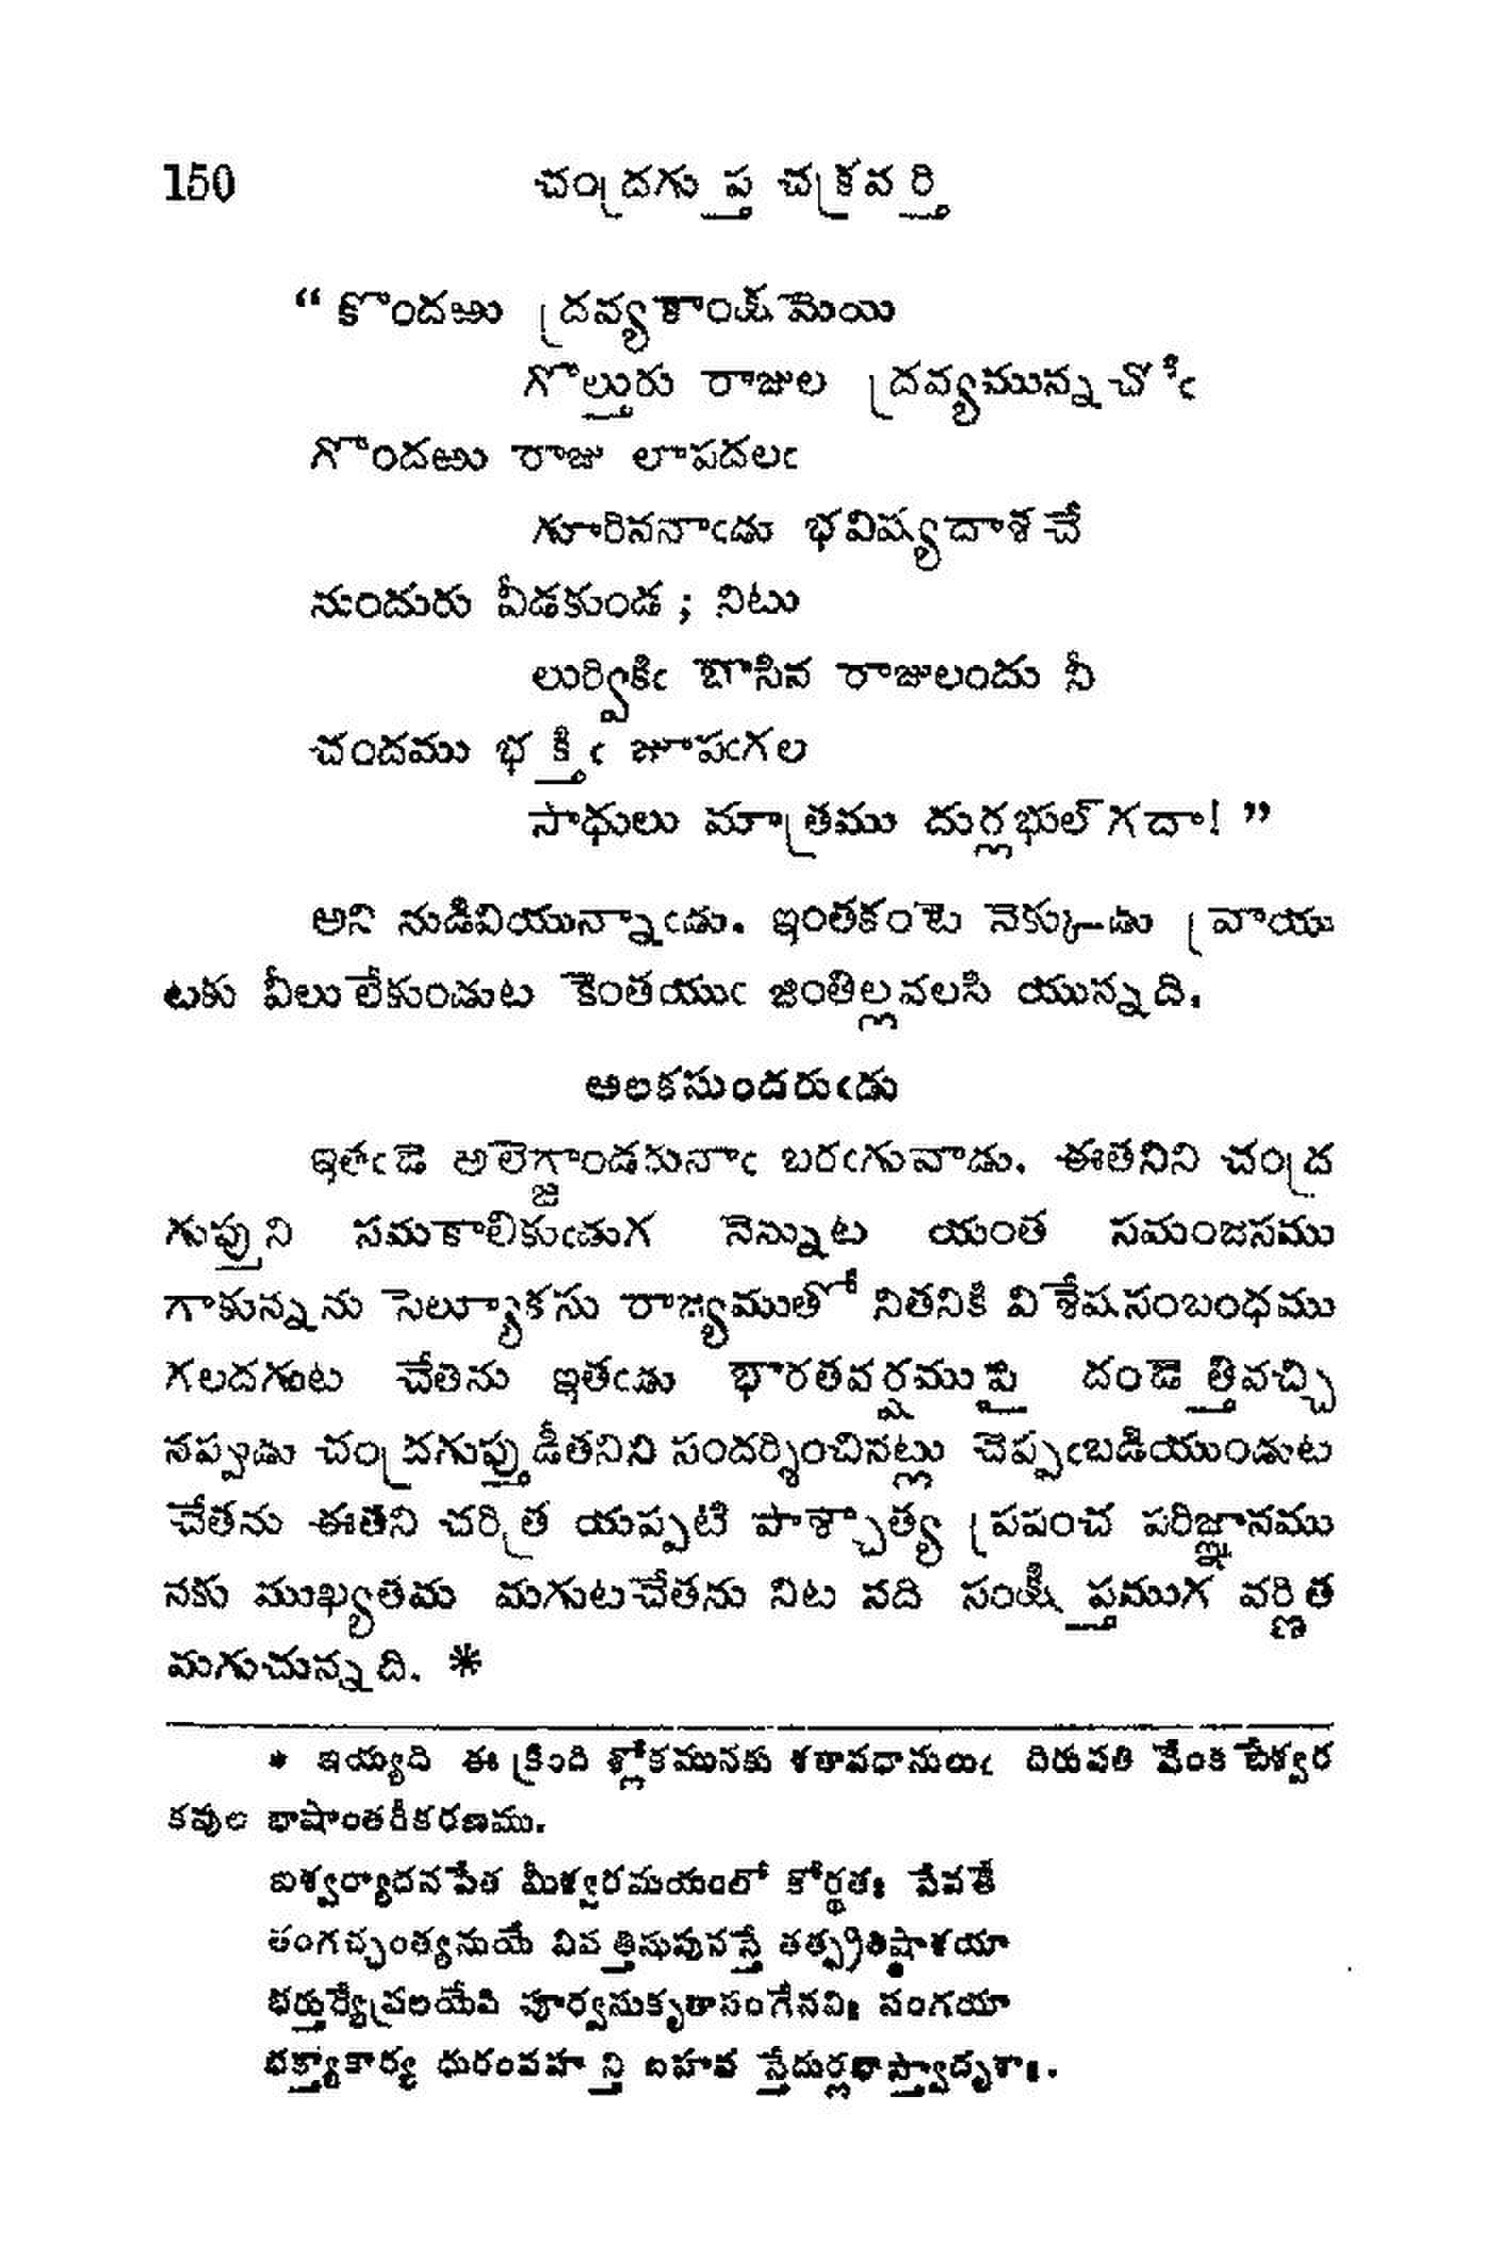“కొందఱు ద్రవ్యకాంక్షమెయి
 గొల్తురు రాజుల ద్రవ్యమున్నచోఁ 
గొందఱు రాజు లాపదలఁ
 గూరిననాఁడు భవిష్యదాశచే 
నుందురు వీడకుండ; నిటు
 లుర్వికిఁ బాసిన రాజులందు నీ 
చందము భక్తిఁ జూపఁగల
 సాధులు మాత్రము దుర్లభుల్ గదా!" 
అని నుడివియున్నాఁడు. ఇంతకంటె నెక్కుడు వ్రాయుటకు వీలులేకుండుట కెంతయుఁ జింతిల్లవలసి యున్నది.హ్

అలకసుందరుఁడు 

ఇతఁడె అలెగ్జాండరునాఁ బరఁగువాడు. ఈతనిని చంద్రగుప్తుని సమకాలికుఁడుగ నెన్నుట యంత సమంజసము గాకున్నను సెల్యూకసు రాజ్యముతో నితనికి విశేషసంబంధము గలదగుట చేతను. ఇతఁడు భారతవర్షముపై దండెత్తివచ్చి నప్పుడు చంద్రగుప్తు డీతనిని సందర్శించినట్లు చెప్పఁబడియుండుట చేతను ఈతని చరిత్ర యప్పటి పాశ్చాత్య ప్రపంచ పరిజ్ఞానమునకు ముఖ్యతమ మగుట చేతను నిట నది సంక్షిప్తముగ వర్ణిత మగుచున్నది.